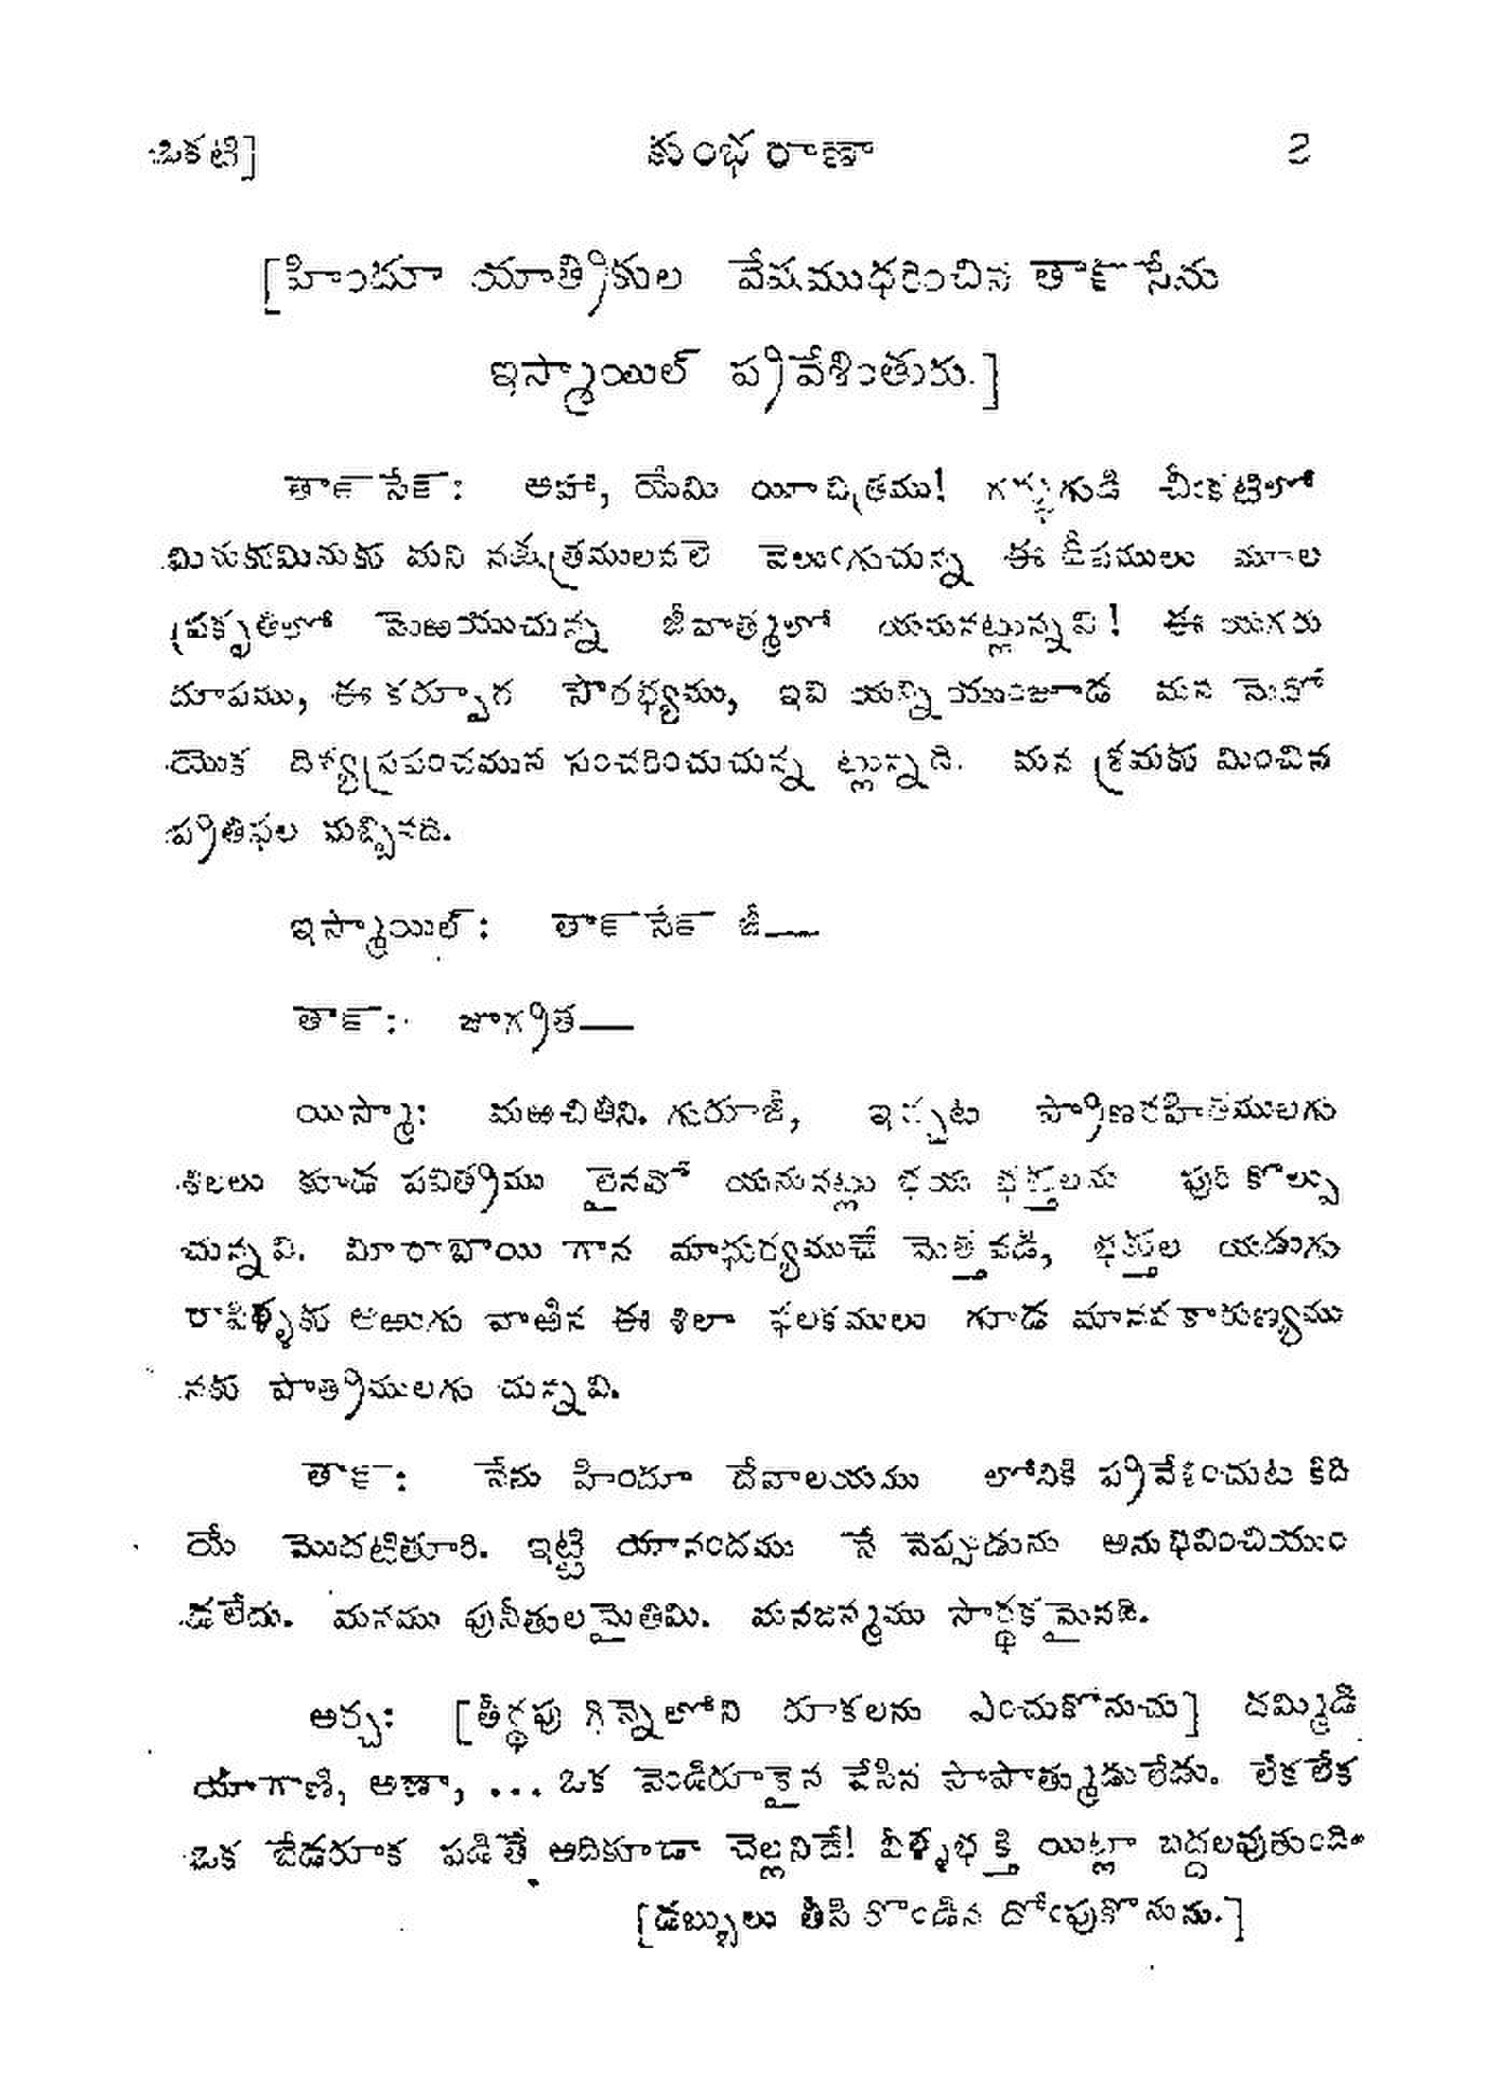తాన్‌సేన్ : ఆహా, యేమి యీచిత్రము ! గర్భగుడి చీఁకటిలో మినుకుమినుకు మని నక్షత్రములవలె వెలుఁగుచున్న ఈ దీపములు మూల ప్రకృతిలో మెఱయుచున్న జీవాత్మలో యనునట్లున్నవి ! ఈ యగరు దూపము, ఈ కర్పూర సౌరభ్యము, ఇవి యన్నియుంజూడ మన మెదో యొక దివ్యప్రపంచమున సంచరించుచున్న ట్లున్నది. మన శ్రమకు మించిన ప్రతిఫల మబ్బినది.

ఇస్మాయిల్ : తాన్ సేన్ జీ -

తాన్ : జాగ్రత -

యిస్మా : మఱచితిని. గురూజీ, ఇచ్చట ప్రాణరహితములగు శిలలు కూడ పవిత్రము లైనవో యనునట్లు భయ భక్తులను పురి కొల్పు చున్నవి. మీరాబాయి గాన మాధుర్యముచే మెత్తవడి, భక్తుల యడుగు రాపిళ్ళకు అఱుగు వాఱిన ఈ శిలా ఫలకములు గూడ మానవ కారుణ్యమునకు పాత్రములగు చున్నవి.

తాన్ : నేను హిందూ దేవాలయము లోనికి ప్రవేశించుట కిదియే మొదటితూరి. ఇట్టి యానందము నే నెప్పుడును అనుభవించియుండలేదు. మనము పునీతులమైతిమి. మనజన్మము సార్థకమైనది.

అర్చ : [తీర్థపు గిన్నెలోని రూకలను ఎంచుకొనుచు] దమ్మిడి యాగాణి, అణా, ...ఒక వెండిరూకైన వేసిన పాపాత్ముడులేడు. లేకలేక ఒక బేడరూక పడితే అదికూడా చెల్లనిదే ! వీళ్ళభక్తి యిట్లా బద్దలవుతుంది.